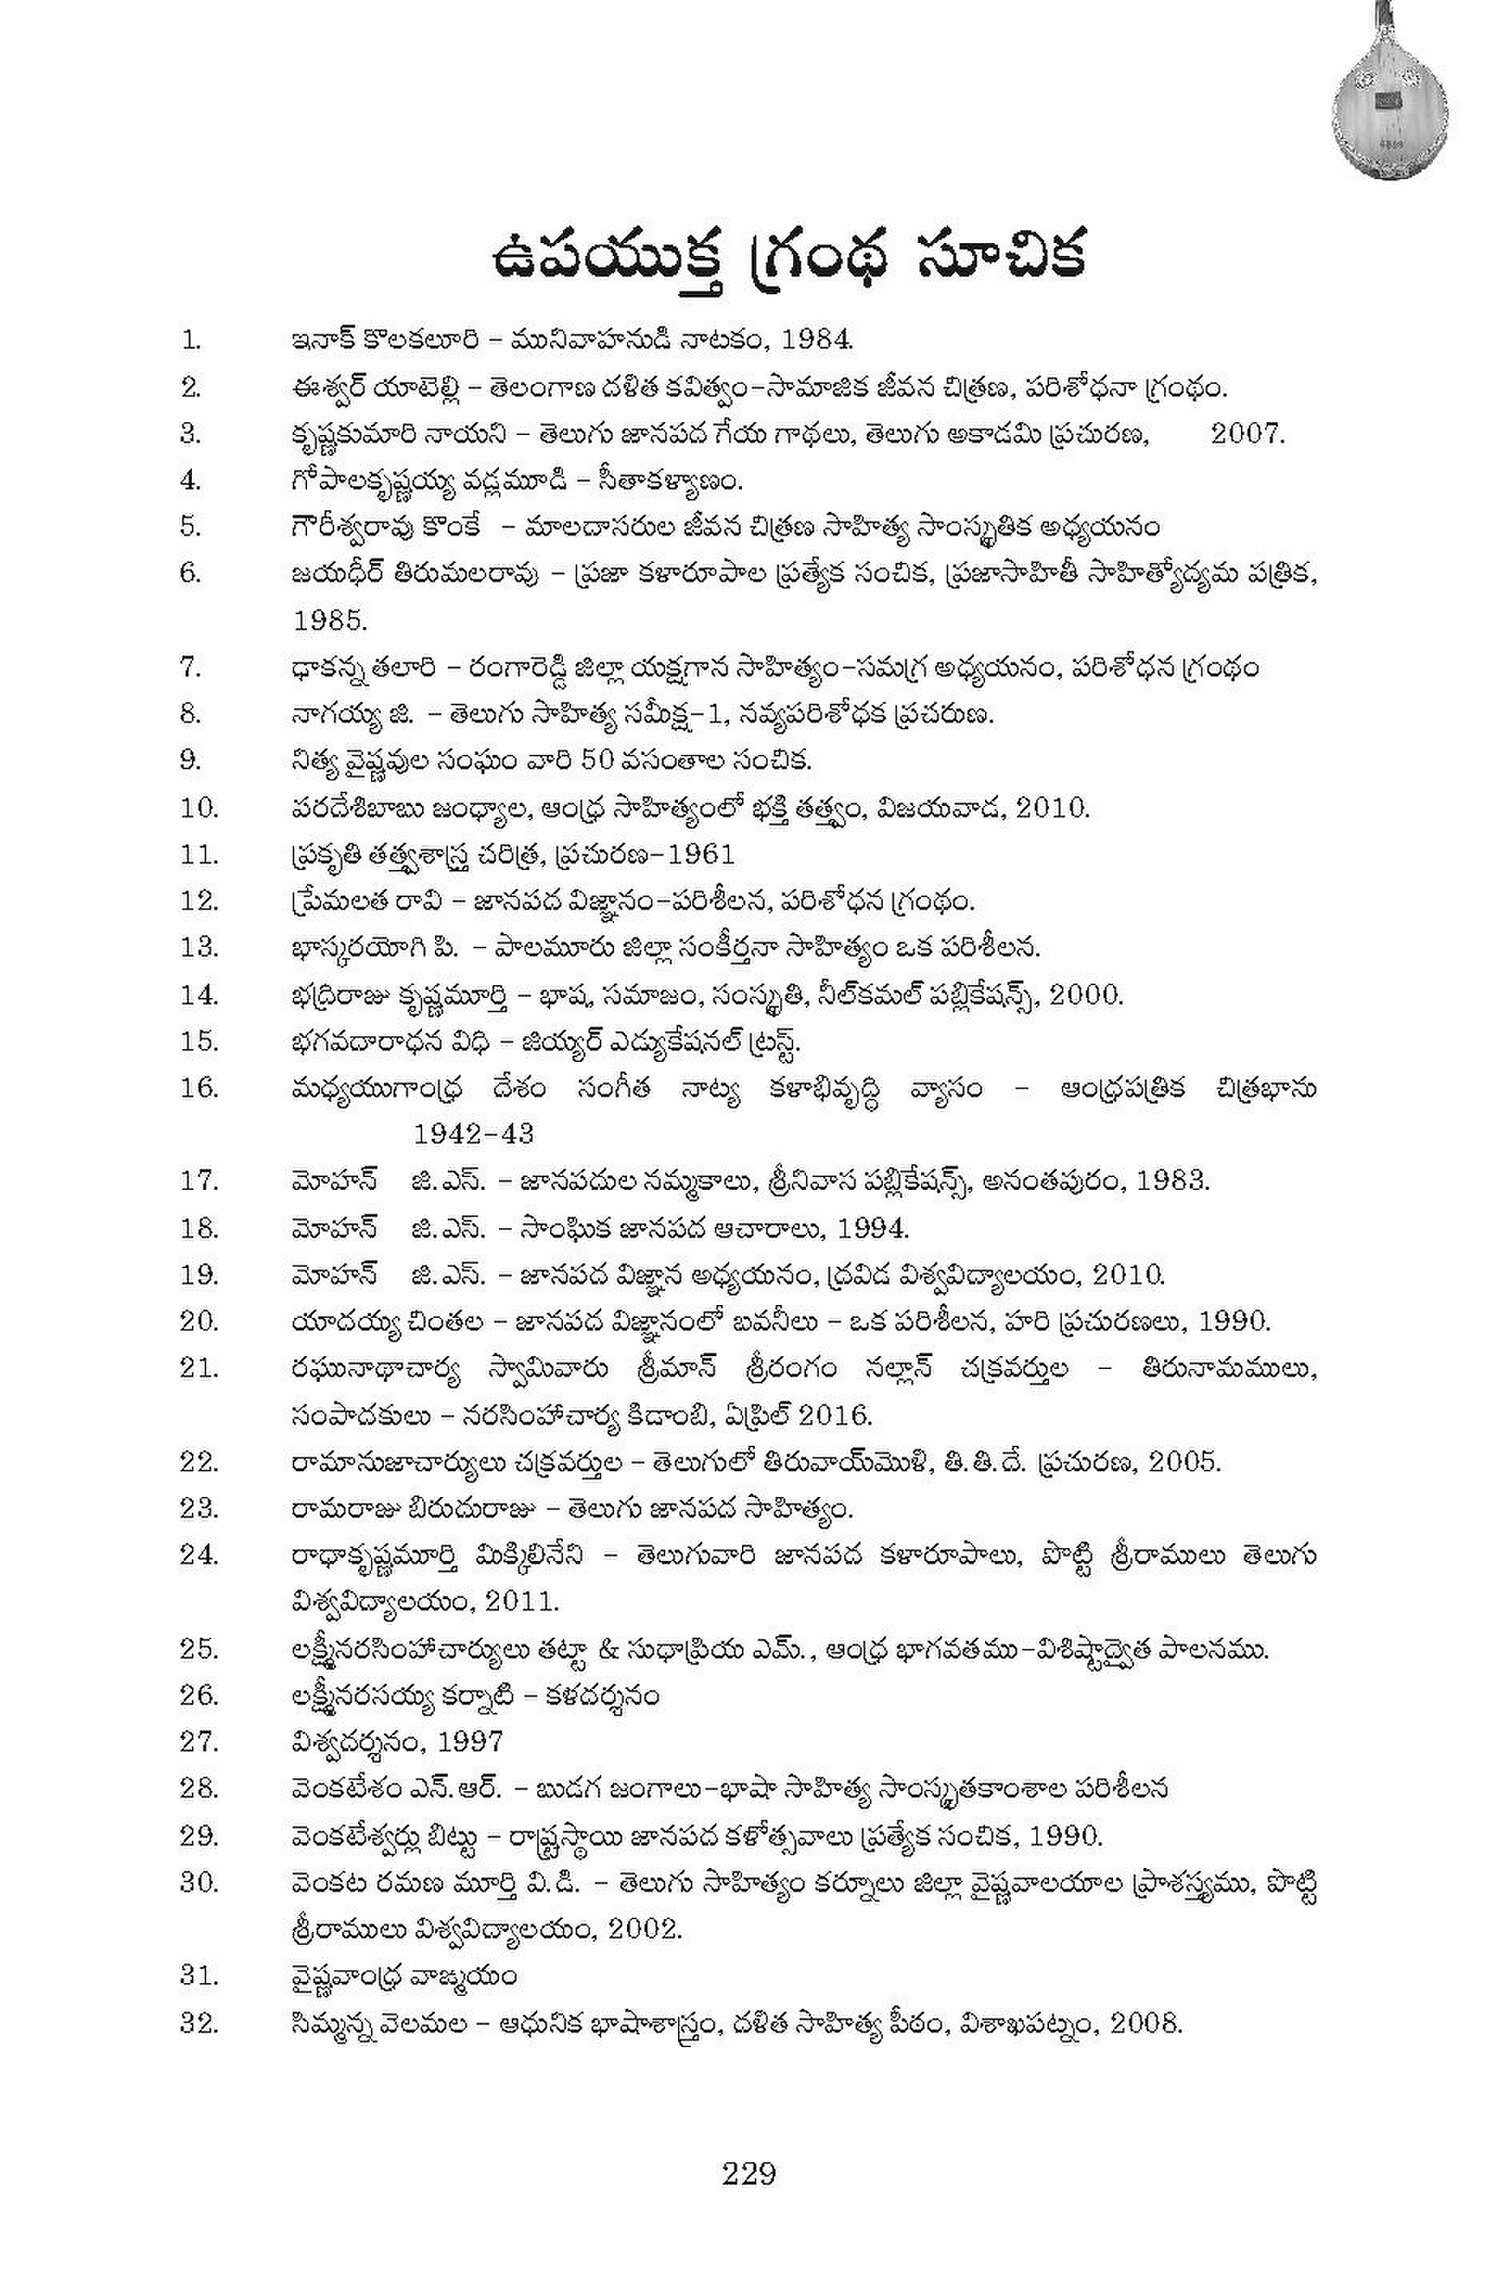1. ఇనాక్ కొలకలూరి - మునివాహనుడి నాటకం, 1984.
2. ఈశ్వర్ యాటెల్లి - తెలంగాణ దళిత కవిత్వం-సామాజిక జీవన చిత్రణ, పరిశోధనా గ్రంథం.
3. కృష్ణకుమారి నాయని - తెలుగు జానపద గేయ గాథలు, తెలుగు అకాడమీ ప్రచురణ,
4. గోపాలకృష్ణయ్య వడ్లమూడి - సీతాకళ్యాణం.
5. గౌరీశ్వరావు కొంకే - మాలదాసరుల జీవన చిత్రణ సాహిత్య సాంస్కృతిక అధ్యయనం
6. జయధీర్ తిరుమలరావు - ప్రజా కళారూపాల ప్రత్యేక సంచిక, ప్రజాసాహితీ సాహిత్యోద్యమ పత్రిక, 1985.
7. ఢాకన్న తలారి - రంగారెడ్డి జిల్లా యక్షగాన సాహిత్యం-సమగ్ర అధ్యయనం, పరిశోధన గ్రంథం
8. నాగయ్య జి. - తెలుగు సాహిత్య సమీక్ష-1, నవ్యపరిశోధక ప్రచరుణ.
9. నిత్య వైష్ణవుల సంఘం వారి 50 వసంతాల సంచిక.
10.పరదేశిబాబు జంధ్యాల, ఆంధ్ర సాహిత్యంలో భక్తి తత్త్వం, విజయవాడ, 2010.
11.ప్రకృతి తత్త్వశాస్త్ర చరిత్ర, ప్రచురణ-1961
12.ప్రేమలత రావి - జానపద విజ్ఞానం - పరిశీలన, పరిశోధన గ్రంథం.
13.భాస్కరయోగి పి. - పాలమూరు జిల్లా సంకీర్తనా సాహిత్యం ఒక పరిశీలన.
14.భద్రిరాజు కృష్ణమూర్తి - భాష, సమాజం, సంస్కృతి, నీల్ కమల్ పబ్లికేషన్స్, 2000.
15.భగవదారాధన విధి - జియ్యర్ ఎడ్యుకేషనల్ ట్రస్ట్.
16.మధ్యయుగాంధ్ర దేశం సంగీత నాట్య కళాభివృద్ధి వ్యాసం- ఆంధ్రపత్రిక చిత్రభాను 1942-43
17.మోహన్ జి. ఎస్. - జానపదుల నమ్మకాలు, శ్రీనివాస పబ్లికేషన్స్, అనంతపురం, 1983.
18.మోహన్ జి. ఎస్. - సాంఘిక జానపద ఆచారాలు, 1994.
19.మోహన్ జి. ఎస్. - జానపద విజ్ఞాన అధ్యయనం, ద్రవిడ విశ్వవిద్యాలయం, 2010.
20.యాదయ్య చింతల - జానపద విజ్ఞానంలో బవనీలు - ఒక పరిశీలన, హరి ప్రచురణలు, 1990.
21.రఘునాథాచార్య స్వామివారు శ్రీమాన్ శ్రీరంగం నల్లాన్ చక్రవర్తుల -తిరునామములు, సంపాదకులు – నరసింహాచార్య కిడాంబి, ఏప్రిల్ 2016.
22.రామానుజాచార్యులు చక్రవర్తుల - తెలుగులో తిరువాయ్ మొళి, తి.తి.దే. ప్రచురణ, 2005.
23.రామరాజు బిరుదురాజు - తెలుగు జానపద సాహిత్యం.
24.రాధాకృష్ణమూర్తి మిక్కిలినేని-తెలుగువారి జానపద కళారూపాలు, పొట్టి శ్రీరాములు తెలుగు విశ్వవిద్యాలయం, 2011.
25.లక్ష్మీనరసింహాచార్యులు తట్టా & సుధాప్రియ ఎమ్., ఆంధ్ర భాగవతము-విశిష్టాద్వైత పాలనము.
26.లక్ష్మీనరసయ్య కర్నాటి - కళదర్శనం
27.విశ్వదర్శనం, 1997
28.వెంకటేశం ఎన్.ఆర్. – బుడగ జంగాలు-భాషా సాహిత్య సాంస్కృతికాంశాల పరిశీలన
29.వెంకటేశ్వర్లు బిట్టు - రాష్ట్రస్థాయి జానపద కళోత్సవాలు ప్రత్యేక సంచిక, 1990.
30.వెంకట రమణ మూర్తి వి.డి. - తెలుగు సాహిత్యం కర్నూలు జిల్లా వైష్ణవాలయాల ప్రాశస్త్యము, పొట్టి శ్రీరాములు విశ్వవిద్యాలయం, 2002.
31.వైష్ణవాంధ్ర వాఙ్మయం
32.సిమ్మన్న వెలమల - ఆధునిక భాషాశాస్త్రం, దళిత సాహిత్య పీఠం, విశాఖపట్నం, 2008.